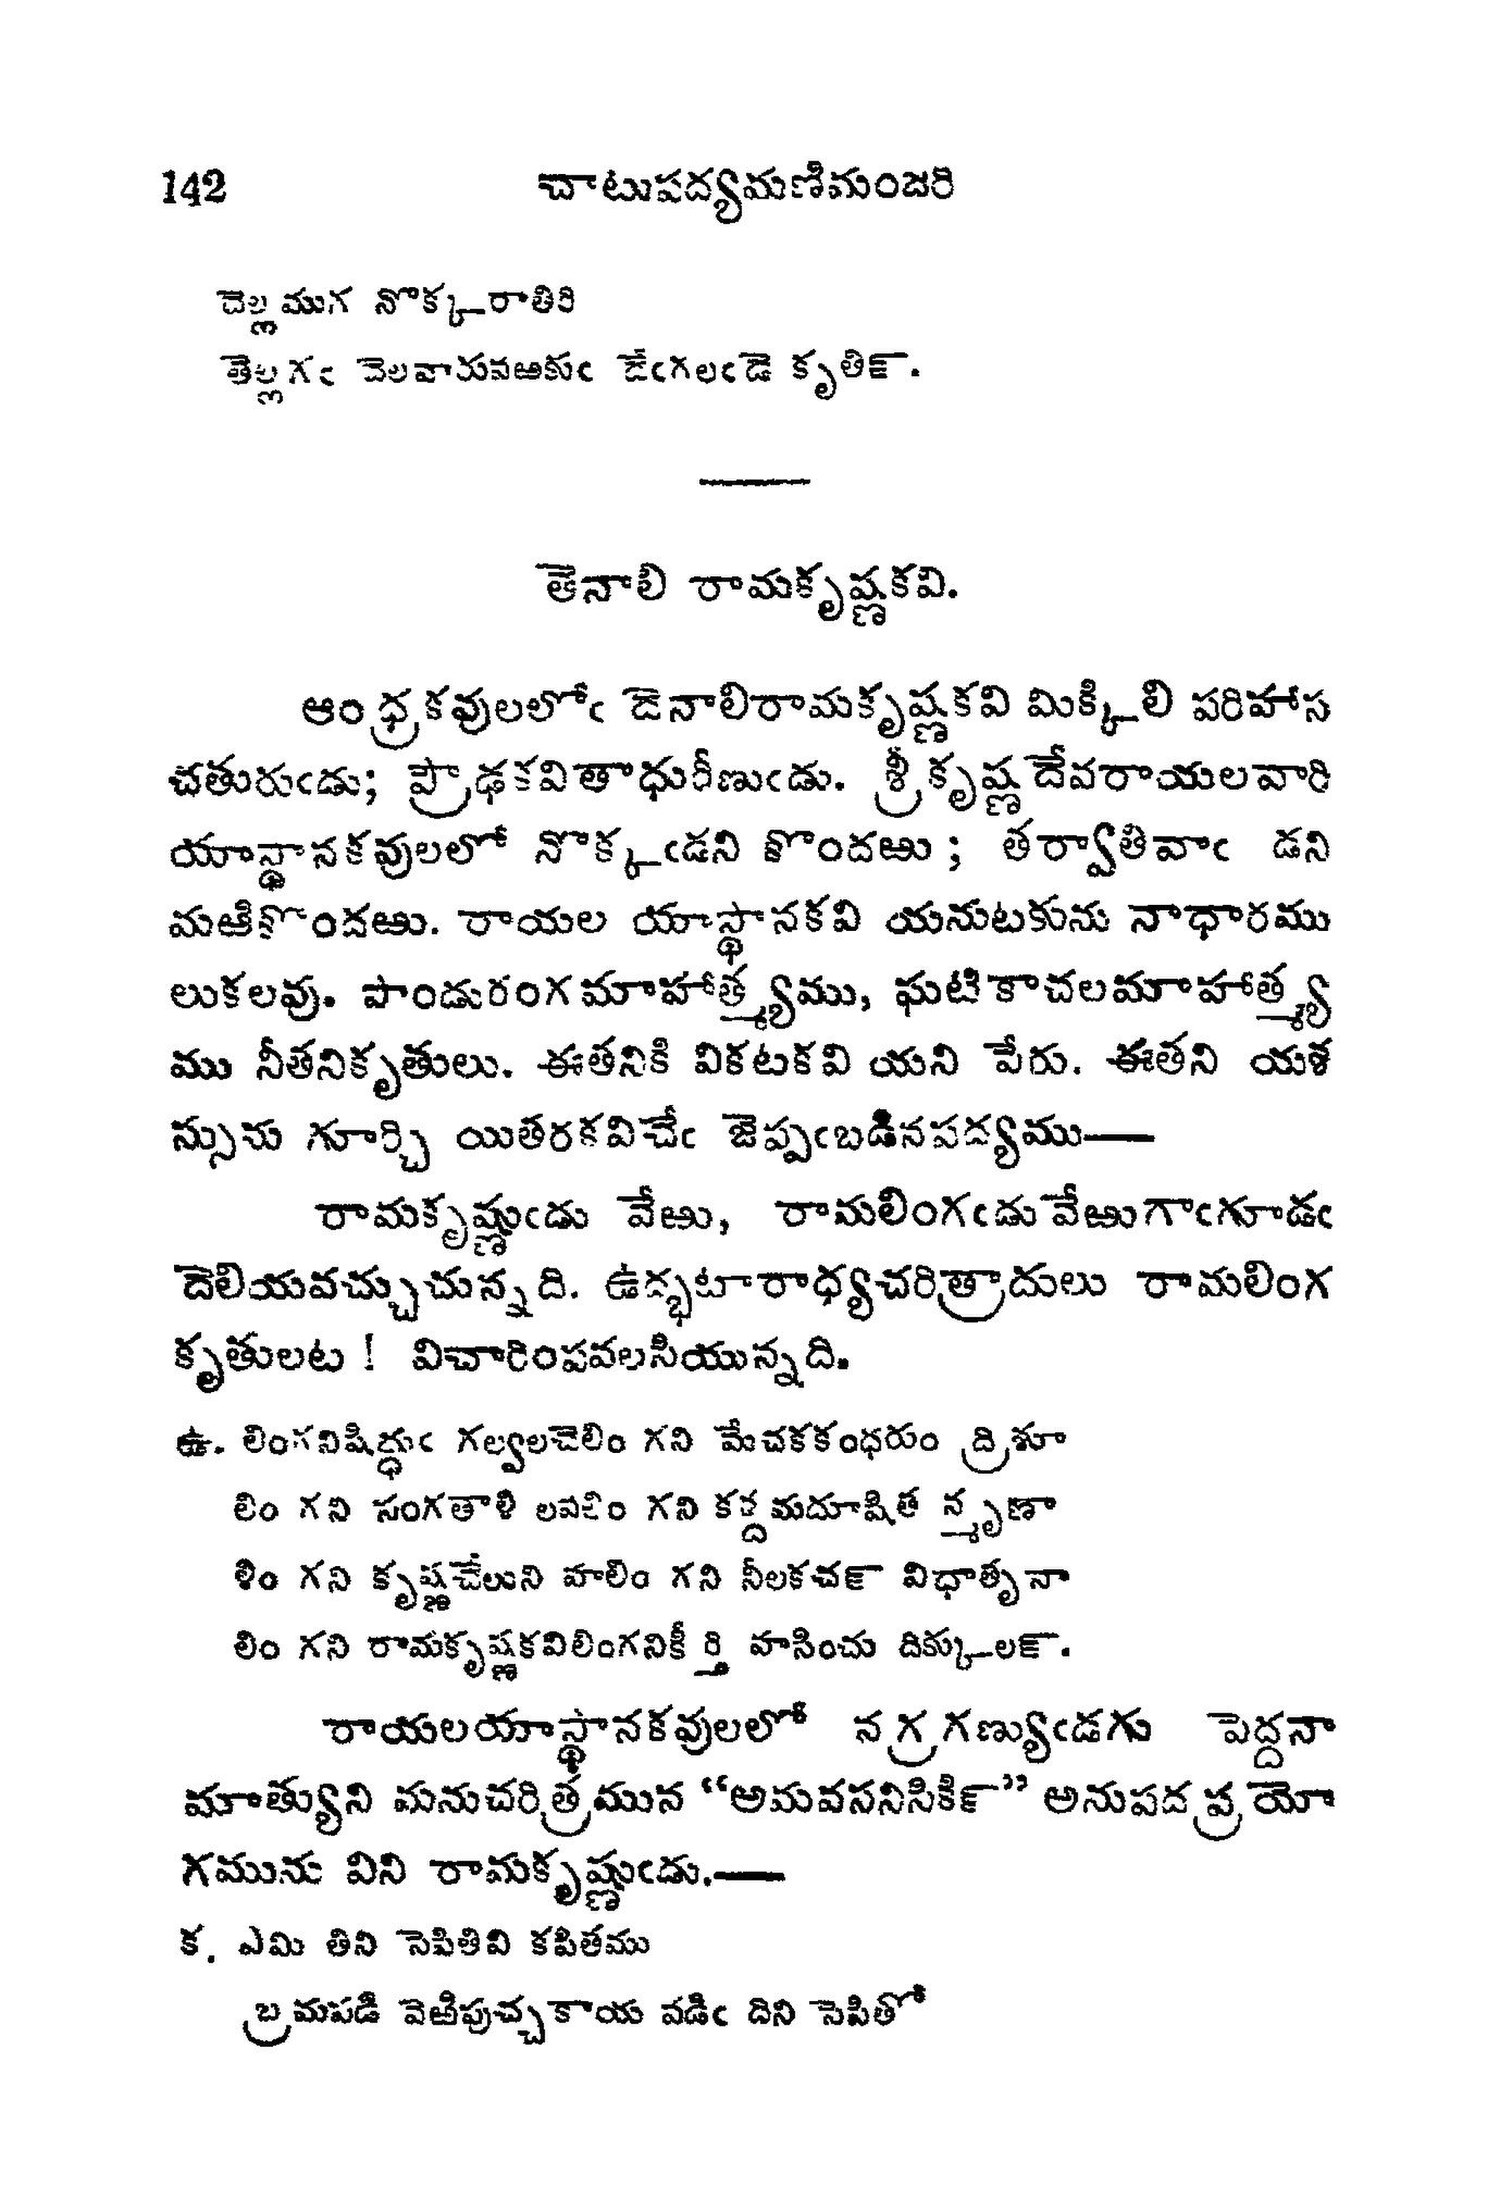దెల్లముగ నొక్కరాతిరి
 తెల్లగఁ దెలవారువఱకుఁ దేఁగలఁడె కృతిన్.

ఆంధ్రకవులలోఁ దెనాలిరామకృష్ణకవి మిక్కిలి పరిహాసచతురుఁడు ప్రౌఢకవితాధురీణుఁడు. శ్రీకృష్ణదేవరాయలవారి యాస్థానకవులలో నొక్కఁడని కొందఱు తర్వాతివాఁ డని మఱికొందఱు. రాయల యాస్థానకవి యనుటకును నాధారములు కలవు. పాండురంగమాహాత్మ్యము, ఘటికాచలమాహాత్మ్యము నీతనికృతులు. ఈతనికి వికటకవి యని పేరు. ఈతనియశస్సును గూర్చి యితరకవిచేఁ జెప్పఁబడినపద్యము—

రామకృష్ణుఁడు వేఱు, రామలింగఁడు వేఱుగాఁగూడఁ దెలియవచ్చుచున్నది. ఉద్భటారాధ్యచరిత్రాదులు రామలింగకృతులఁట! విచారింపవలసియున్నది.
ఉ. లింగనిషిద్ధుఁ గల్వలచెలిం గని మేచకకంధరుం ద్రిశూ
 లిం గని సంగతాళి లవలిం గని కర్దమదుషితన్మృణా
 ళిం గని కృష్ణచేలుని హలిం గని నీలకచన్ విధాతృనా
 లిం గని రామకృష్ణకవలింగనికీర్తి హసించు దిక్కులన్.
రాయలయాస్థానకవులలో నగ్రగణ్యుఁడగు పెద్దనామాత్యుని మనుచరిత్రమున “అమవసనిసికిన్” అనుపదప్రయోగమును విని రామకృష్ణుఁడు—
క. ఎమి తిని సెపితివి కపితము
 బ్రమపడి వెఱిపుచ్చకాయ వడిఁ దిని సెపితో